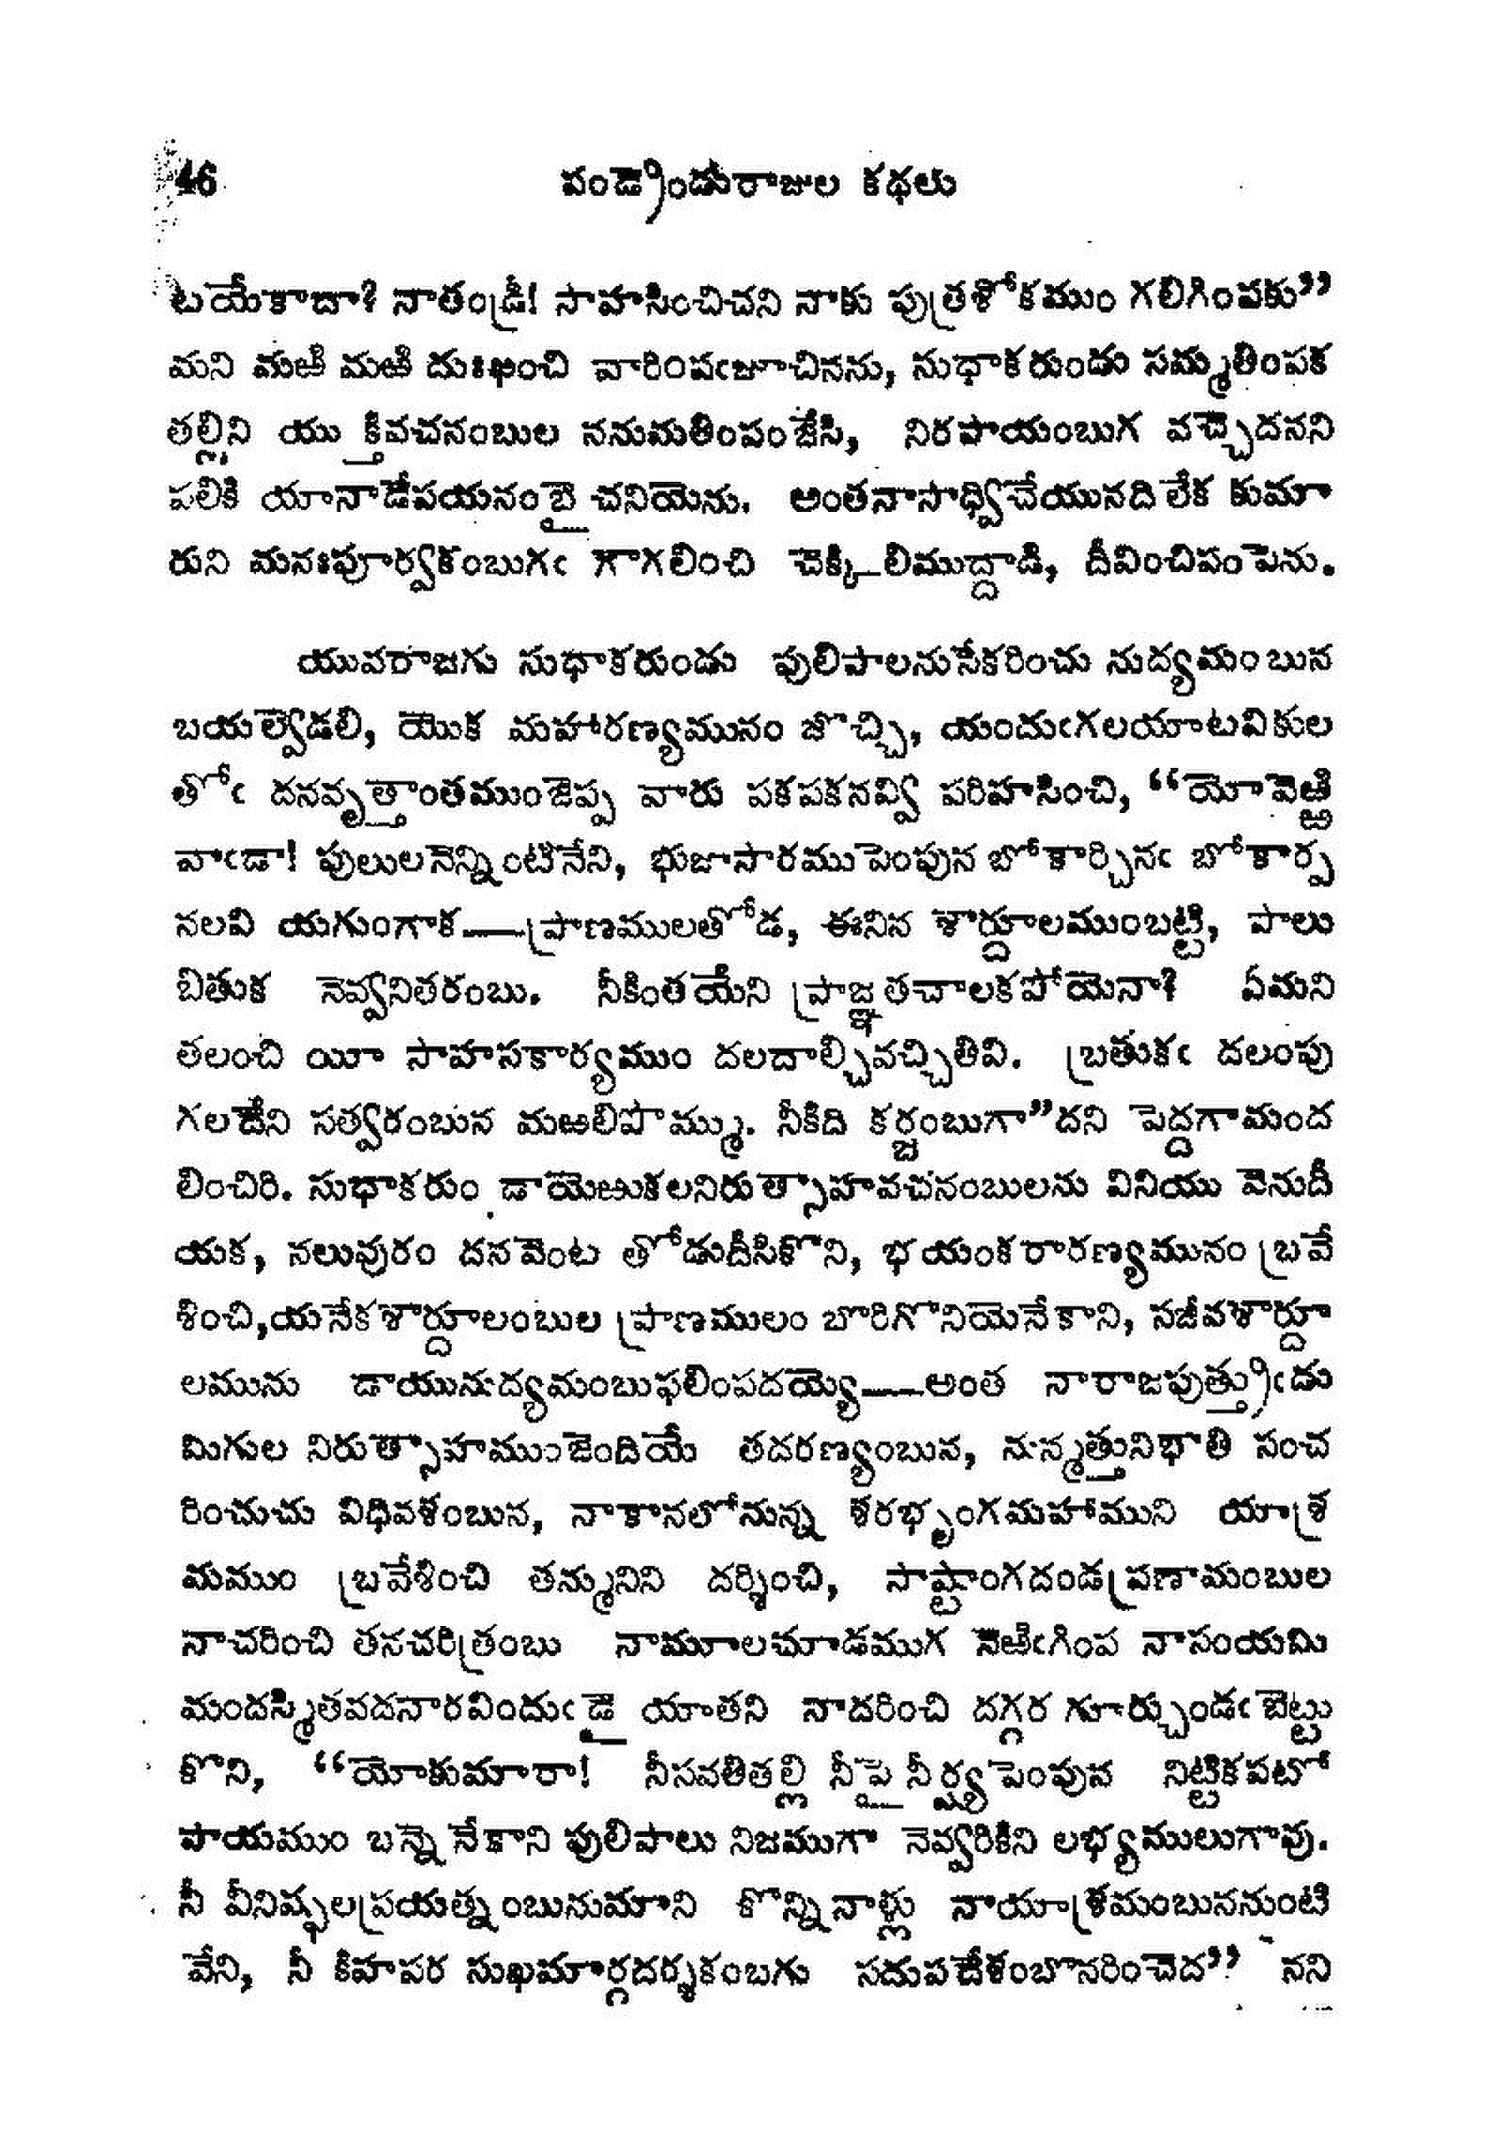టయేకాదా? నాతండ్రీ! సాహసించిచని నాకు పుత్రశోకముం గలిగింపకు” మని మఱి మఱి దుఃఖించి వారింపఁజూచినను, సుధాకరుండు సమ్మతింపక తల్లిని యుక్తివచనంబుల ననుమతింపంజేసి, నిరపాయంబుగ వచ్చెదనని పలికి యానాడే పయనంబై చనియెను. అంతనాసాధ్విచేయునది లేక కుమారుని మనఃపూర్వకంబుగఁ గౌగలించి చెక్కిలి ముద్దాడి, దీవించిపంపెను.

యువరాజగు సుధాకరుండు పులిపాలను సేకరించు నుద్యమంబున బయల్వెడలి, యొక మహారణ్యమునం జొచ్చి, యందుఁగల యాటవికులతోఁ దనవృత్తాంతముం జెప్ప వారు పకపక నవ్వి పరిహసించి, “యో వెఱ్ఱివాఁడా పులుల నెన్నింటినేని, భుజాసారము పెంపున బోకార్చినఁ బోకార్ప నలవి యగుంగాక——ప్రాణములతోడ, ఈనిన శార్దూలముంబట్టి, పాలు బితుక నెవ్వనితరంబు. నీకింతయేని తచాలకపోయెనా? ఏమని తలంచి యీ సాహసకార్యముం దలదాల్చివచ్చితివి. బ్రతుకఁ దలంపు గలదేని సత్వరంబున మజిలిపొమ్ము. నీకిది కరంబుగా ”దని పెద్దగా మందలించిరి. సుధాకరుం డాయెఱుకలనిరుత్సాహవచనంబులను వినియు వెనుదీయక, నలువురం దన వెంట తోడు దీసికొని, భయంకరారణ్యమునం బ్రవేశించి,యనేక శార్దూలంబుల ప్రాణములం బొరిగొనియెనే కాని, సజీవశార్దూలమును డాయునుద్యమంబుఫలింపదయ్యె—— అంత నారాజపుత్రుఁడు మిగుల నిరుత్సాహము జెందియే తదరణ్యంబున, నున్మత్తునిభాతి సంచరించుచు విధివశంబున, నాకానలోనున్న శరభృంగమహాముని యాత్రమముం బ్రవేశించి తన్మునిని దర్శించి, సాష్టాంగ దండ ప్రణామంబుల
నాచరించి తనచరిత్రంబు నామూలచూడముగ నెఱిఁగింప నాసంయమి మందస్మితవదనారవిందుఁ డై యాతని నాదరించి దగ్గర గూర్చుండఁ బెట్టుకొని, "యోకుమారా! నీసవతితల్లి నీపై నీర్ష్య పెంపున నిట్టికపటో పాయముం బన్నెనేకాని పులిపాలు నిజముగా నెవ్వరికిని లభ్యములుగావు. నీ వీనిష్ఫల ప్రయత్నంబునుమాని కొన్ని నాళ్లు నాయాశ్రమంబుననుంటివేని, నీ కిహపర సుఖమార్గదర్శకంబగు సదుపదేశంబొనరించెద" నని